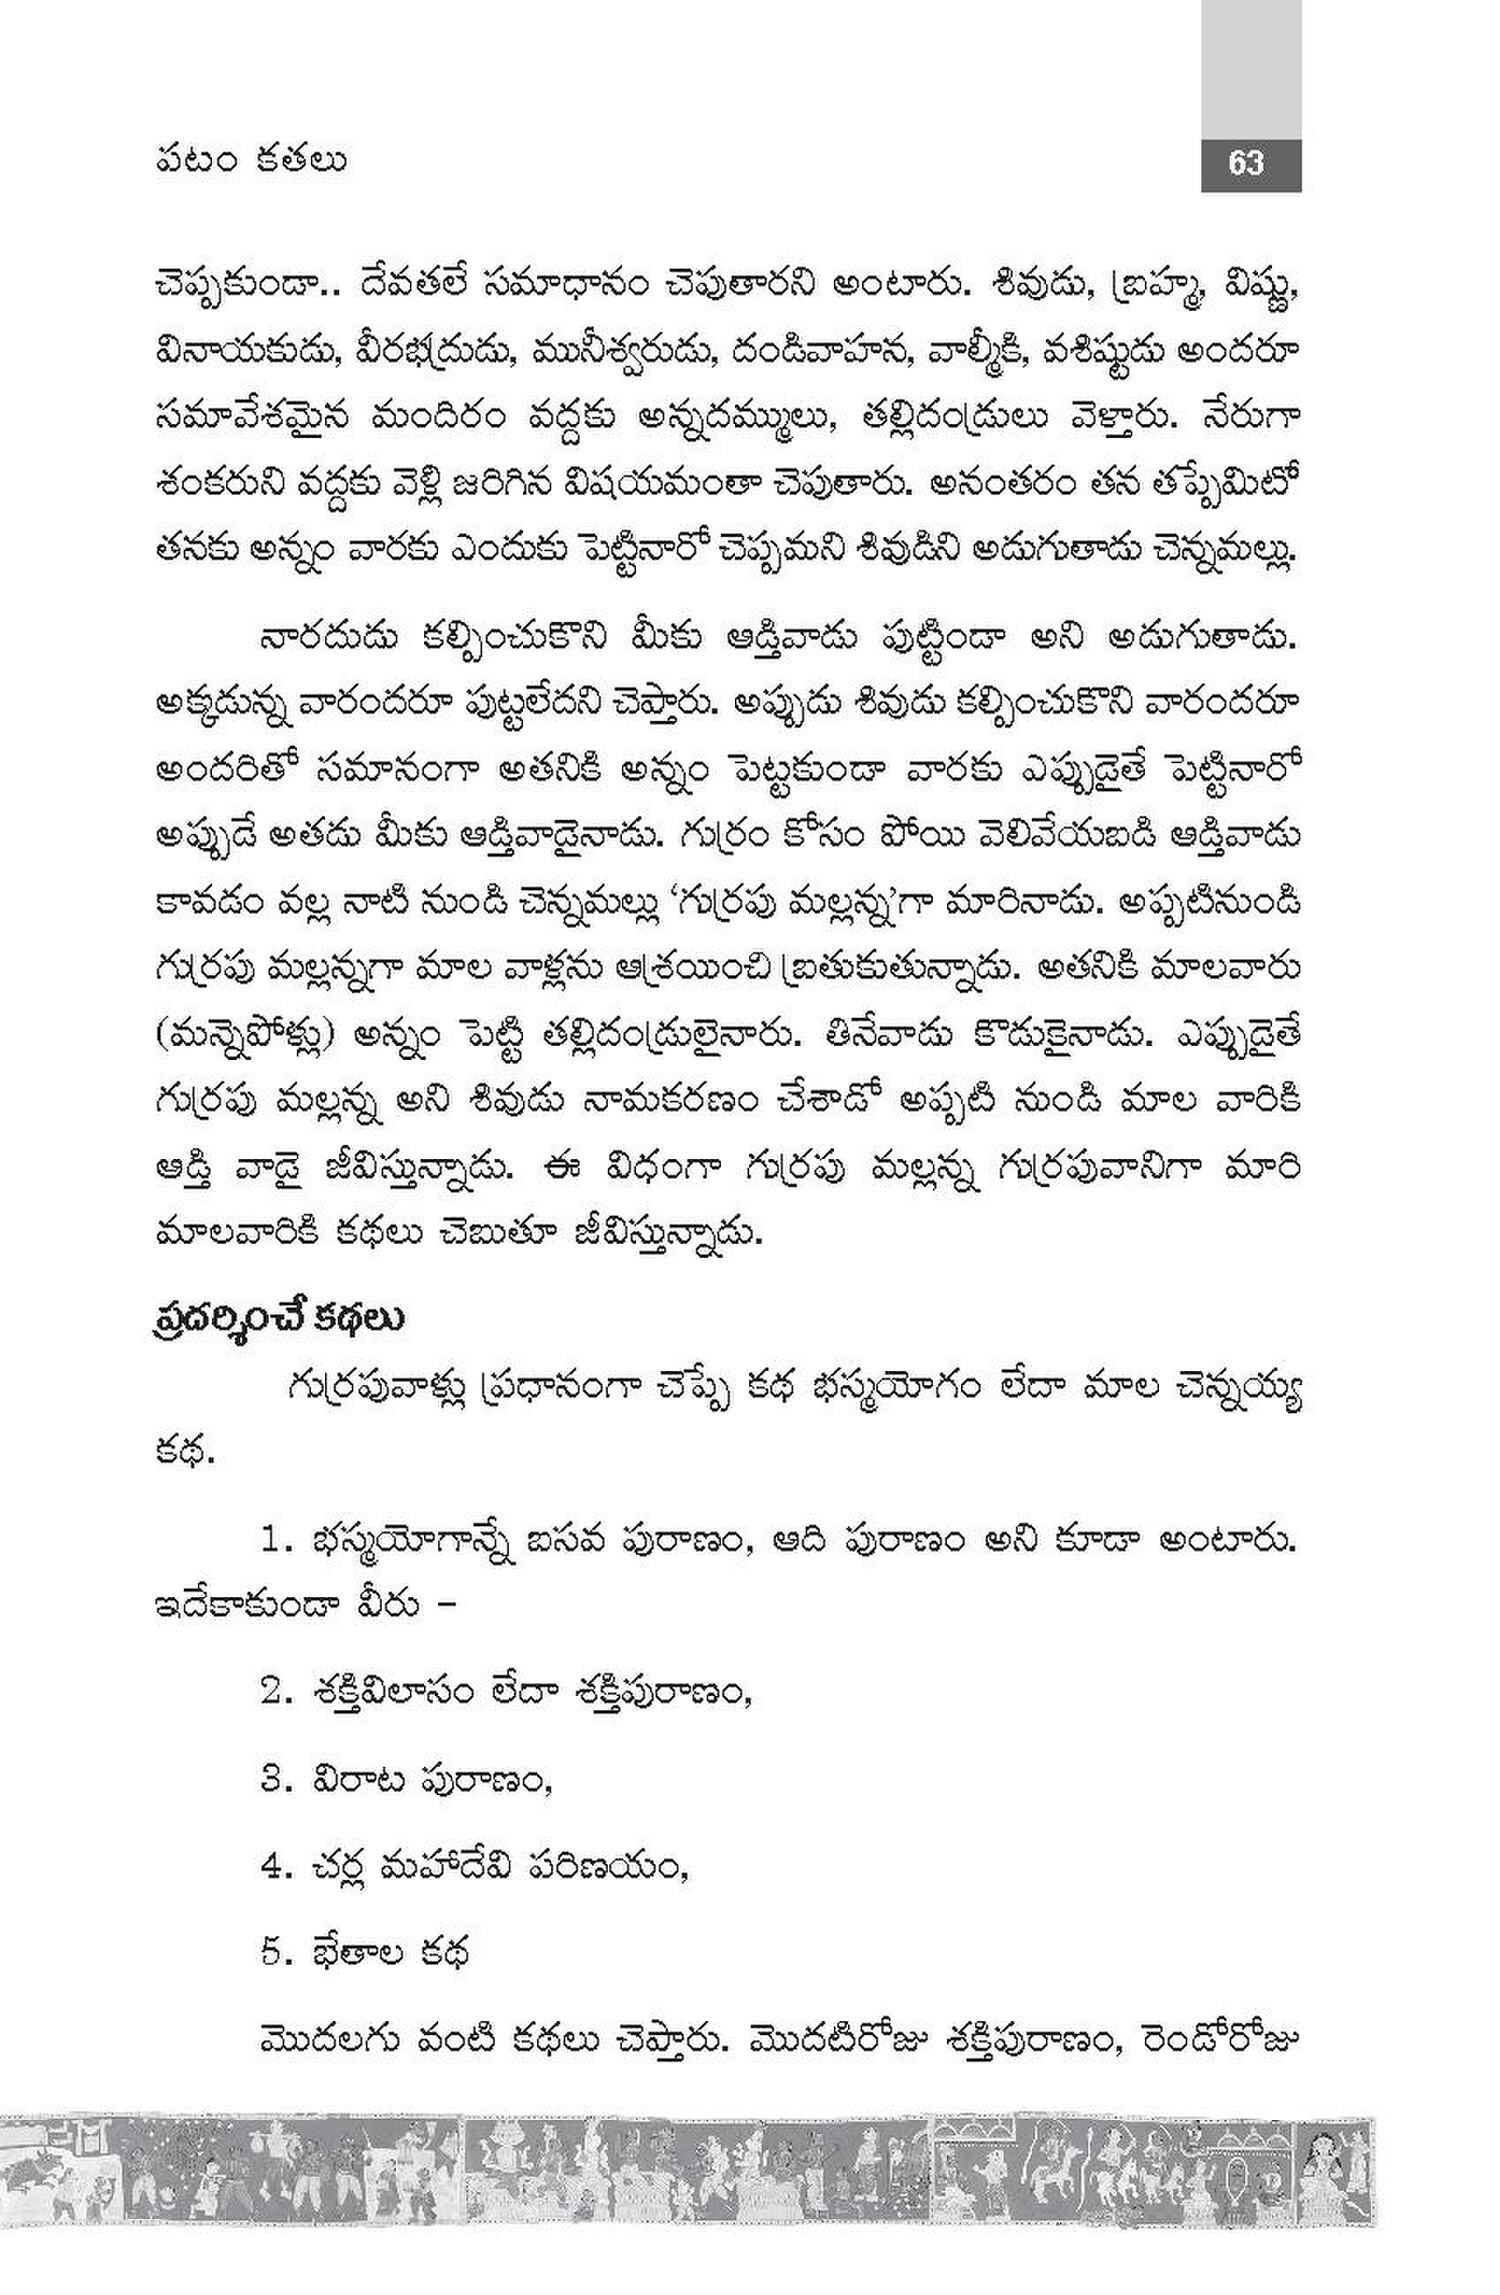చెప్పకుండా.. దేవతలే సమాధానం చెపుతారని అంటారు. శివుడు, బ్రహ్మ, విష్ణు, వినాయకుడు, వీరభద్రుడు, మునీశ్వరుడు, దండివాహన, వాల్మీకి, వశిష్టుడు అందరూ సమావేశమైన మందిరం వద్దకు అన్నదమ్ములు, తల్లిదండ్రులు వెళ్తారు. నేరుగా శంకరుని వద్దకు వెళ్లి జరిగిన విషయమంతా చెపుతారు. అనంతరం తన తప్పేమిటో
తనకు అన్నం వారకు ఎందుకు పెట్టినారో చెప్పమని శివుడిని అడుగుతాడు చెన్నమల్లు.

నారదుడు కల్పించుకొని మీకు ఆడ్తివాడు పుట్టిందా అని అడుగుతాడు. అక్కడున్న వారందరూ పుట్టలేదని చెప్తారు. అప్పుడు శివుడు కల్పించుకొని వారందరూ అందరితో సమానంగా అతనికి అన్నం పెట్టకుండా వారకు ఎప్పుడైతే పెట్టినారో
అప్పుడే అతడు మీకు ఆడ్తివాడైనాడు. గుర్రం కోసం పోయి వెలివేయబడి ఆడ్తివాడు కావడం వల్ల నాటి నుండి చెన్నమల్లు 'గుర్రపు మల్లన్న'గా మారినాడు. అప్పటినుండి గుర్రపు మల్లన్నగా మాల వాళ్లను ఆశ్రయించి బ్రతుకుతున్నాడు. అతనికి మాలవారు (మన్నెపోళ్లు) అన్నం పెట్టి తల్లిదండ్రులైనారు. తినేవాడు కొడుకైనాడు. ఎప్పుడైతే
గుర్రపు మల్లన్న అని శివుడు నామకరణం చేశాడో అప్పటి నుండి మాల వారికి ఆడ్తి వాడై జీవిస్తున్నాడు. ఈ విధంగా గుర్రపు మల్లన్న గుర్రపువానిగా మారి మాలవారికి కథలు చెబుతూ జీవిస్తున్నాడు.

ప్రదర్శించే కథలు.

గుర్రపువాళ్లు ప్రధానంగా చెప్పే కథ భస్మయోగం లేదా మాల చెన్నయ్య కధ.

1. భస్మయోగాన్నే బసవ పురాణం, అది పురాణం అని కూడా అంటారు. ఇదేకాకుండా వీరు -
2. శక్తివిలాసం లేదా శక్తిపురాణం,
3. విరాట పురాణం,
4. చర్ల మహాదేవి పరిణయం,
5. భేతాల కథ

మొదలగు వంటి కథలు చెప్తారు. మొదటిరోజు శక్తిపురాణం, రెండోరోజు